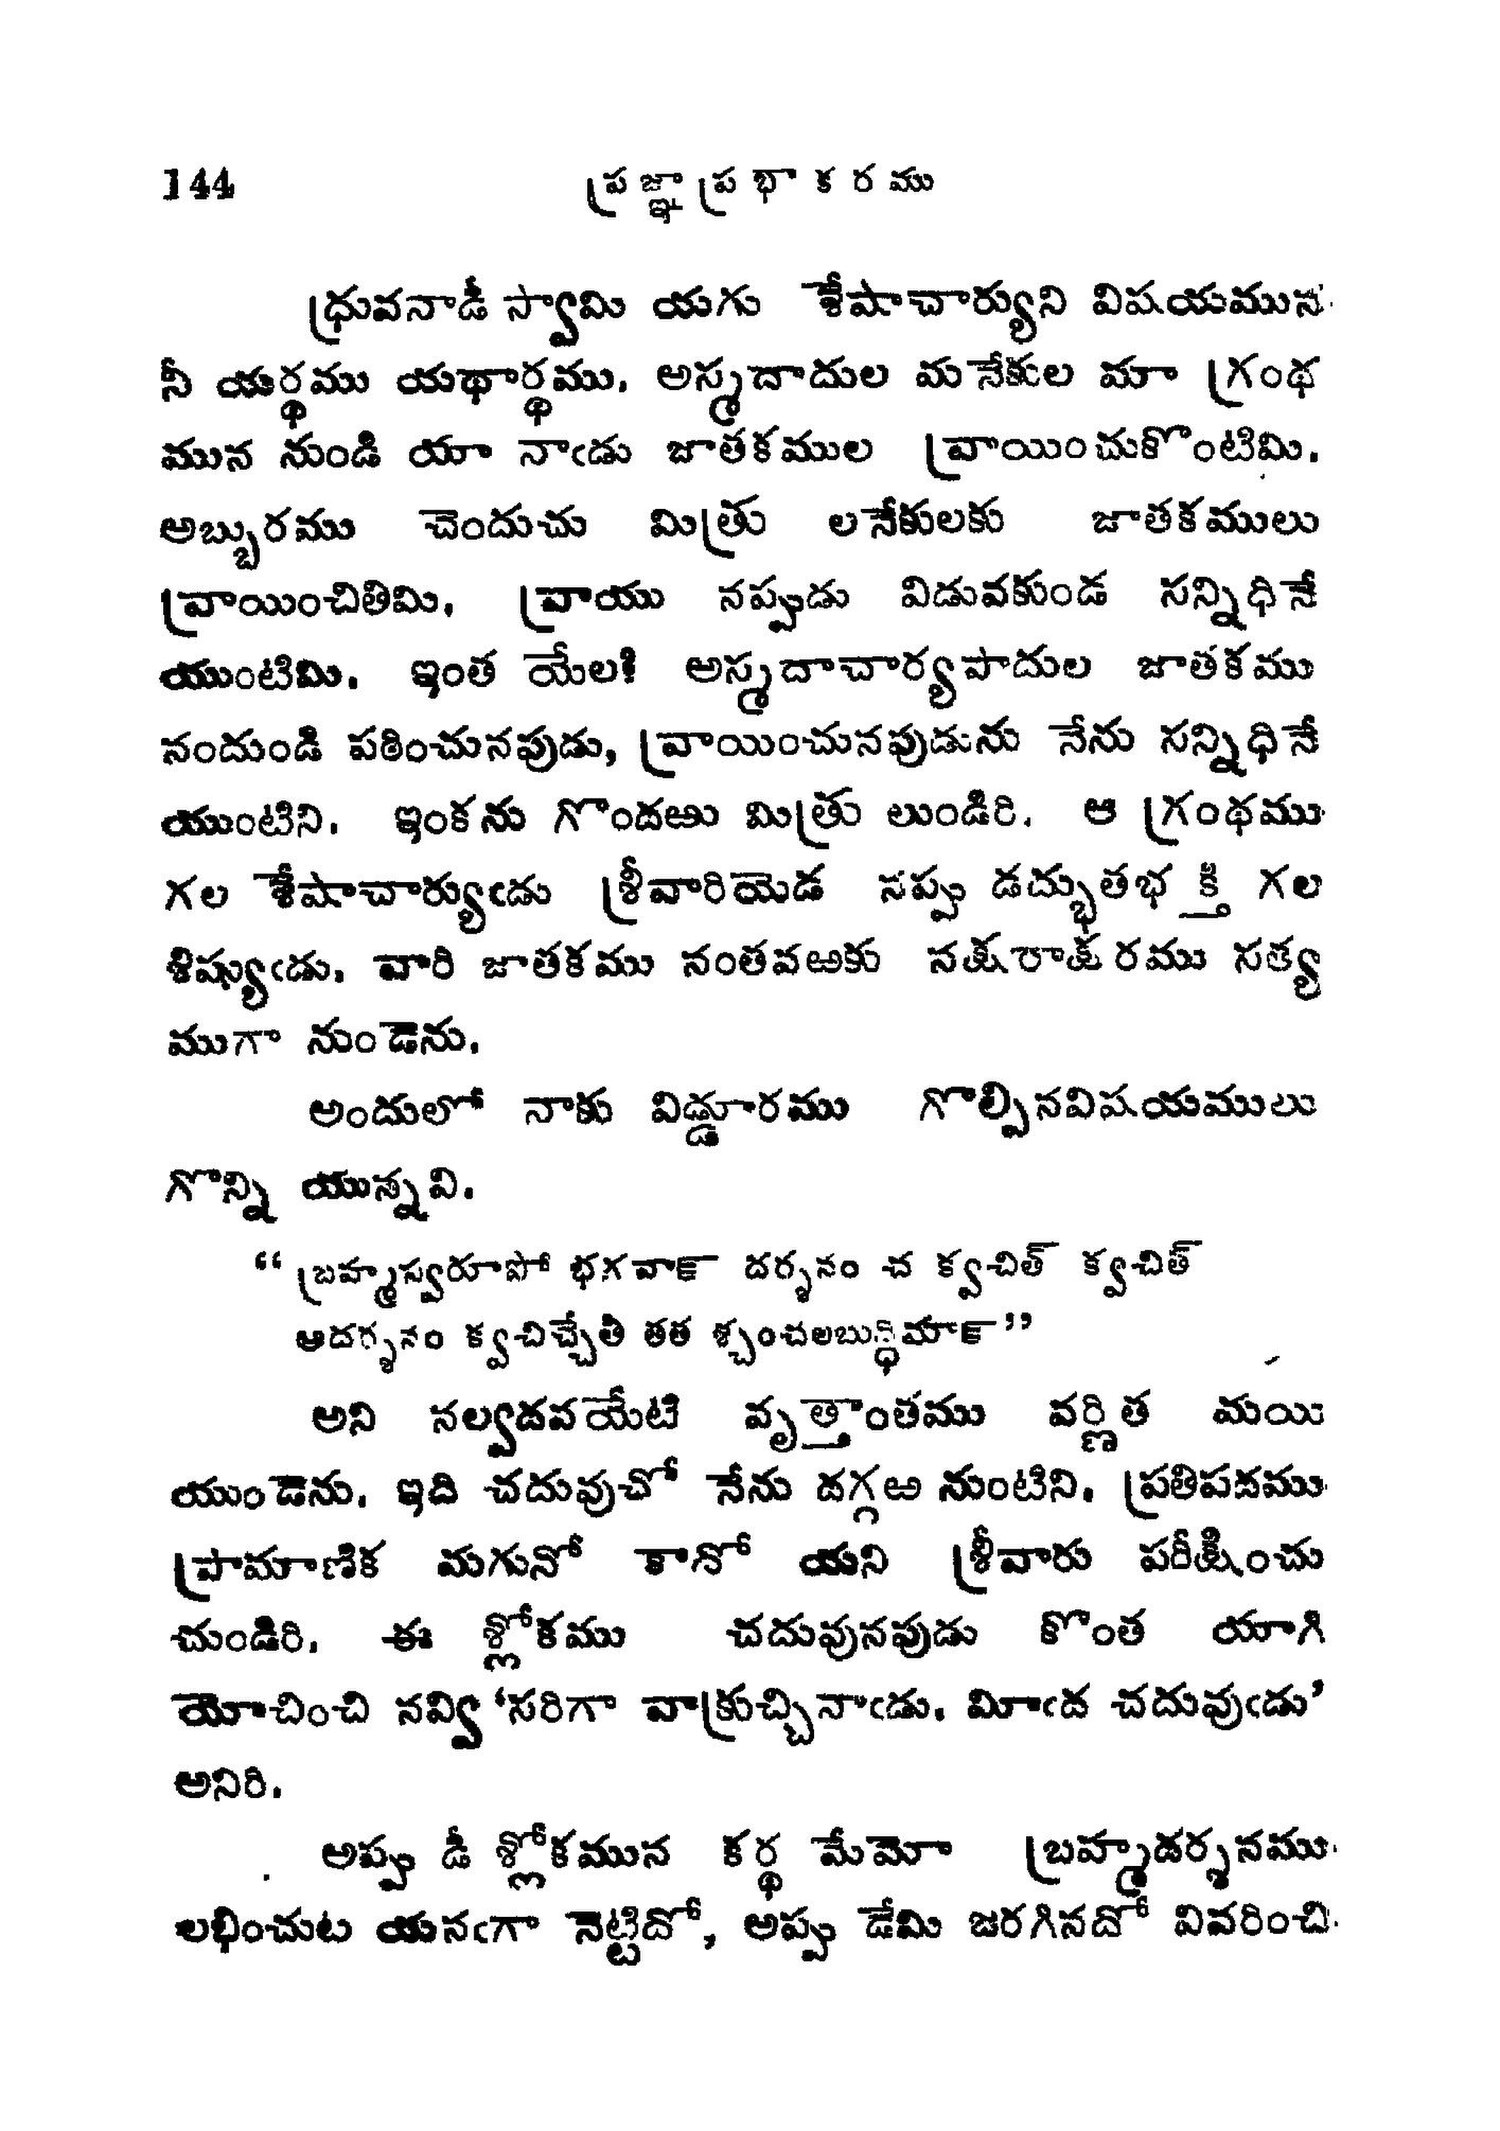ధ్రువనాడీస్వామి యగు శేషాచార్యుని విషయమున నీయర్ధముయధార్ధము. అస్మదాదుల మనేకుల మా గ్రంధమున నుండి యా నాఁడు జాతకముల వ్రాయించు కొంటిమి. అబ్బురము చెందుచు మిత్రు లనేకులకు జాతకములు వ్రాయించితిమి. వ్రాయు నప్పుడు విడువకుండ సన్నిధినే యుంటిని. ఇంత యేల? అస్మదాచార్యపాదాల జాతకము నందుండి పఠించునపుడు, వ్రాయించునపుడును నేను సన్నిధినే యుంటిని. ఇంకను గొందఱు మిత్రులుండిరి. ఆ గ్రంధము గల శేషాచార్యుఁడు శ్రీ వారియెడ నప్పు డద్బుతభక్తి గల శిష్యుఁడు వారి జాతకము నంతవఱకు నక్ష రాక్షరము సత్యముగా నుండెను.

 అందులో నాకు విడ్డూరము గొల్పిన విషయములు గొన్ని యున్నవి.

 " బ్రహ్మస్వరూపో భగవాన్ దర్శనం చక్వచిత్ క్వచిత్ 
 ఆసర్శనం క్వచిచ్చేతి తత శ్చంచలబుద్దిమాన్ "

 అని నల్వదవయేటి వృత్తంతము వర్ణిత మయి యుండెను. ఇది చదువుచో నేను దగ్గఱ నుంటిని. ప్రతి పదము ప్రామాణిక మగునో కాదో యని శ్రీ వారు పరీక్షించు చుండిరి. ఈ శ్లోకము చదువునపుడు కొంత యాగి యోచించి నవ్వి 'సరిగా వాక్రుచ్చినాఁడు. మీద చదువుఁ డు' అనిరి.

 అప్పుడీ శ్లోకమున కర్ధ మేమో బ్రహ్మదర్శనము లభించుట యనఁగా నెట్టిదో, అప్పుడే మి జరిగినదో వివరించి